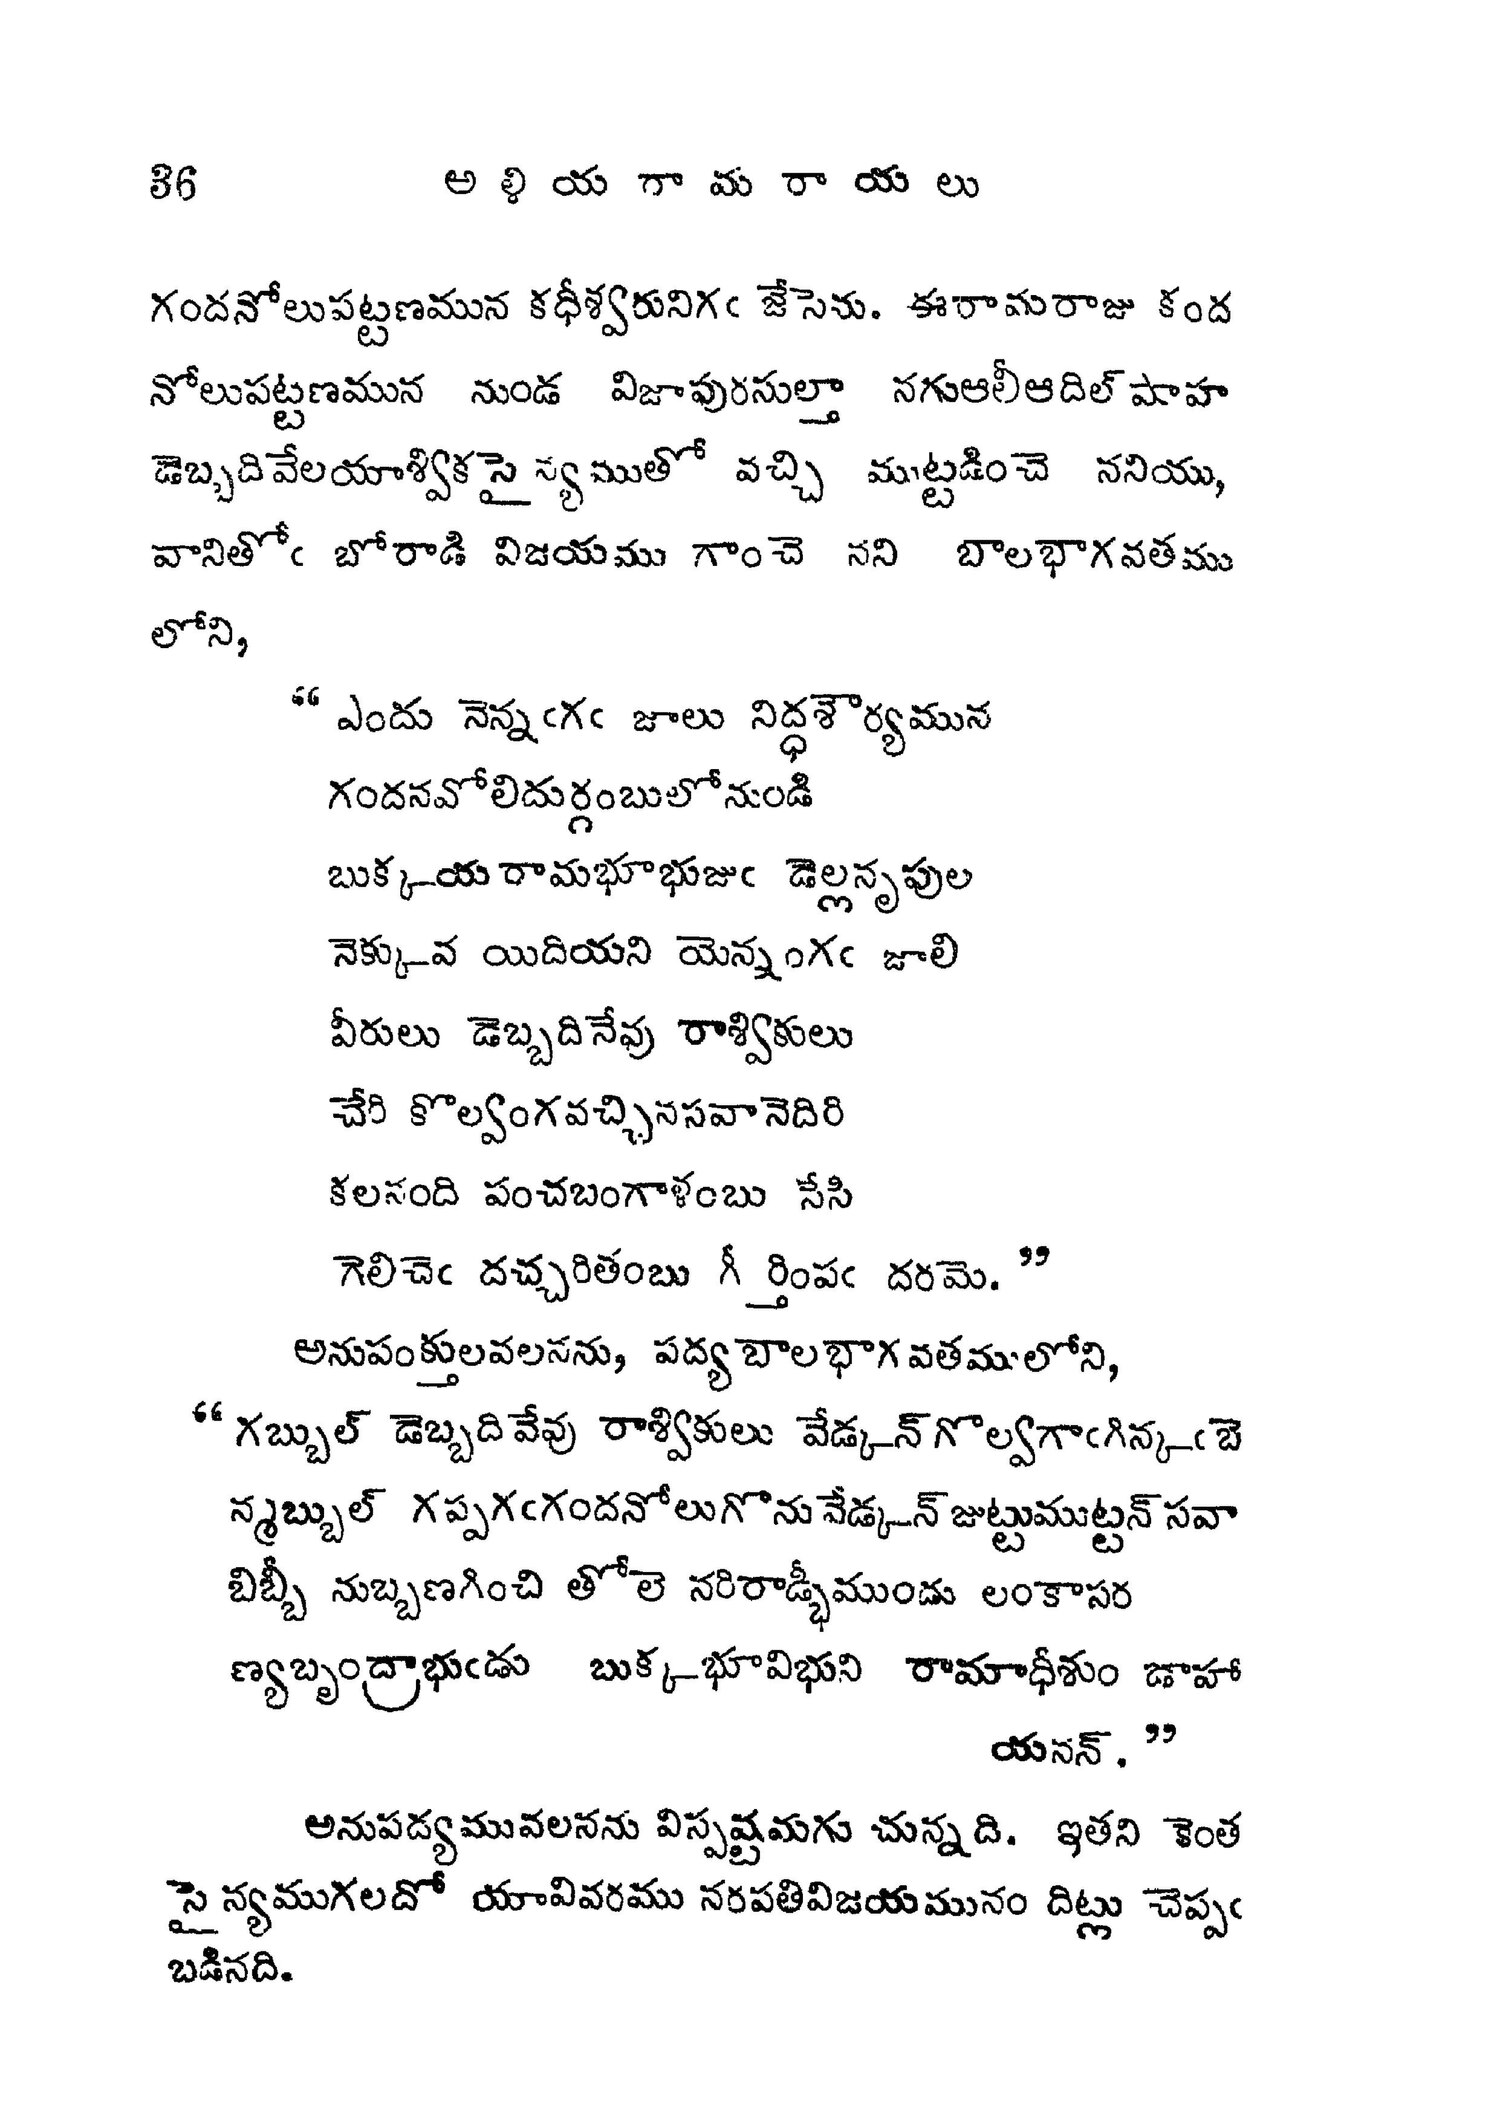గందనోలుపట్టణమున కధీశ్వరునిగ జేసెను. ఈరామరాజు కందనోలుపట్టణమున నుండ విజాపురసుల్తా నగుఆలీఆదిల్‌షాహ డెబ్బదివేలయాశ్వికసైన్యముతో వచ్చి ముట్టడించె ననియు, వానితో బోరాడి విజయము గాంచె నని బాలభాగవతములోని,

 "ఎందు నెన్నగ జాలు నిద్ధశౌర్యమున
 గందనవోలిదుర్గంబులోనుండి
 బుక్కయరామభూభుజు డెలనృపుల
 నెక్కువ యిదియని యెన్నంగ జాలి
 వీరులు డెబ్బదినేవు రాశ్వికులు
 చేరి కొల్వంగవచ్చినసవానెదిరి
 కలనంది పంచబంగాళంబు సేసి
 గెలిచె దచ్చరితంబు గీర్తింప దరమె.

 అనుపంక్తులవలనను, పద్యబాలభాగవతములోని,

 "గబ్బుల్ డెబ్బదివేవు రాశ్వికులు వేడ్కన్‌గొల్వగాగిన్కబె
 న్మబ్బుల్ గప్పగగందనోలుగొనువేడ్కన్‌జుట్టుముట్టన్‌సవా
 బిబ్బీ నుబ్బణగించి తోలె నరిరాడ్భీముండు లంకాసర
 ణ్యబృంద్రాభుడు బుక్కభూవిభుని రామాధీశుం డాహాయనన్."

అనుపద్యమువలనను విస్పష్టమగు చున్నది. ఇతని కెంత సైన్యముగలదో యావివరము నరపతివిజయమునం దిట్లు చెప్పబడినది.